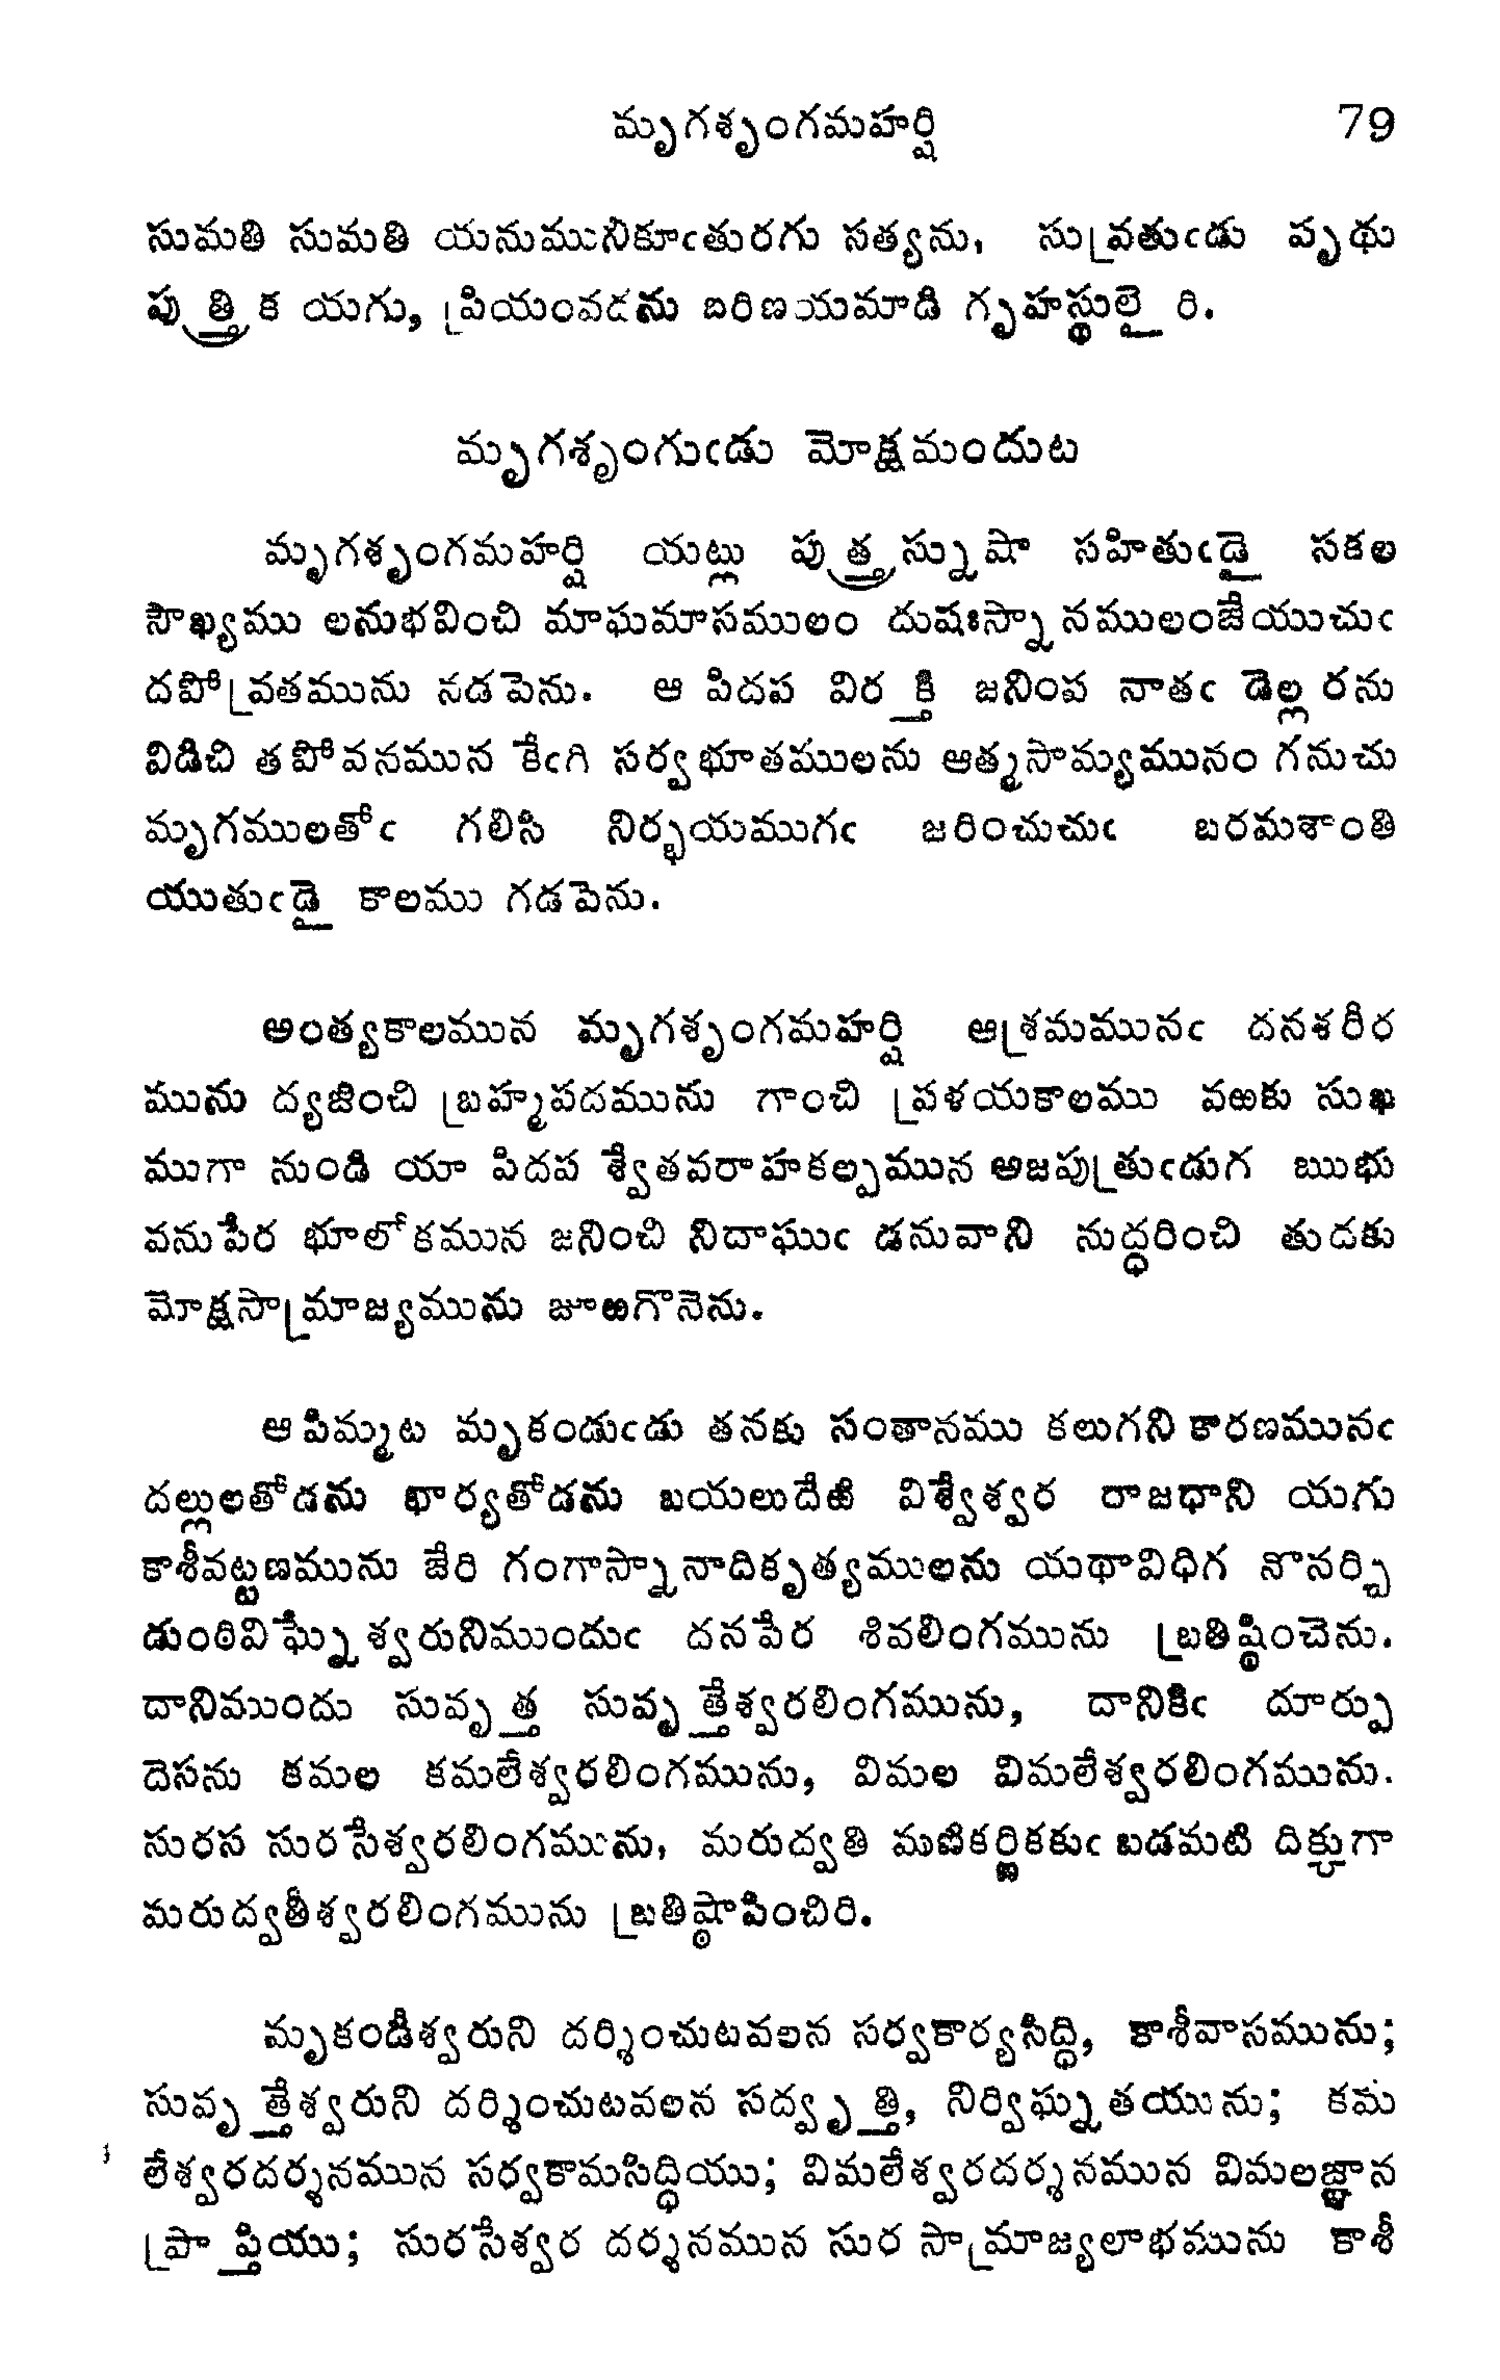సుమతి సుమతి యనుమునికూఁతురగు సత్యను, సువ్రతుఁడు పృథు పుత్త్రిక యగు, ప్రియంవదను బరిణయమాడి గృహస్థులై రి.

మృగశృంగుఁడు మోక్షమందుట 

మృగశృంగమహర్షి యట్లు పుత్త్ర స్నుషా సహితుఁడై సకల సౌఖ్యము లనుభవించి మాఘమాసములం దుషఃస్నానములంజేయుచుఁ దపోవ్రతమును నడపెను. ఆ పిదప విరక్తి జనింప నాతఁ డెల్ల రను విడిచి తపోవనమున కేఁగి సర్వభూతములను ఆత్మసామ్యమునం గనుచు మృగములతోఁ గలిసి నిర్భయముగఁ జరించుచుఁ బరమశాంతి యుతుఁడై కాలము గడపెను.

అంత్యకాలమున మృగశృంగమహర్షి ఆశ్రమమునఁ దనశరీరమును ద్యజించి బ్రహ్మపదమును గాంచి ప్రళయకాలము వఱకు సుఖముగా నుండి యా పిదప శ్వేతవరాహకల్పమున అజపుత్రుఁడుగ ఋభు వనుపేర భూలోకమున జనించి నిదాఘుఁ డనువాని నుద్దరించి తుదకు మోక్షసామ్రాజ్యమును జూఱగొనెను.

ఆ పిమ్మట మృకండుఁడు తనకు సంతానము కలుగని కారణమునఁ దల్లులతోడను భార్యతోడను బయలుదేఱి విశ్వేశ్వర రాజధాని యగు కాశీపట్టణమును జేరి గంగాస్నానాదికృత్యములను యథావిధిగ నొనర్చి డుంఠివిఘ్నేశ్వరునిముందుఁ దనపేర శివలింగమును బ్రతిష్టించెను. దానిముందు సువృత్త సువృత్తేశ్వరలింగమును, దానికిఁ దూర్పు దెసను కమల కమలేశ్వరలింగమును, విమల విమలేశ్వరలింగమును. సురస సురసేశ్వరలింగమును, మరుద్వతి మణికర్ణికకుఁ బడమటి దిక్కుగా మరుద్వతీశ్వరలింగమును బ్రతిష్ఠాపించిరి.

మృకండీశ్వరుని దర్శించుటవలన సర్వకార్యసిద్ధి, కాశీవాసమును; సువృత్తేశ్వరుని దర్శించుటవలన సద్వృత్తి, నిర్విఘ్నతయును; కమలేశ్వర దర్శనమున సర్వకామసిద్ధియు; విమలేశ్వర దర్శనమున విమలజ్ఞాన ప్రాప్తియు; సురసేశ్వర దర్శనమున సుర సామ్రాజ్యలాభమును కాశీ